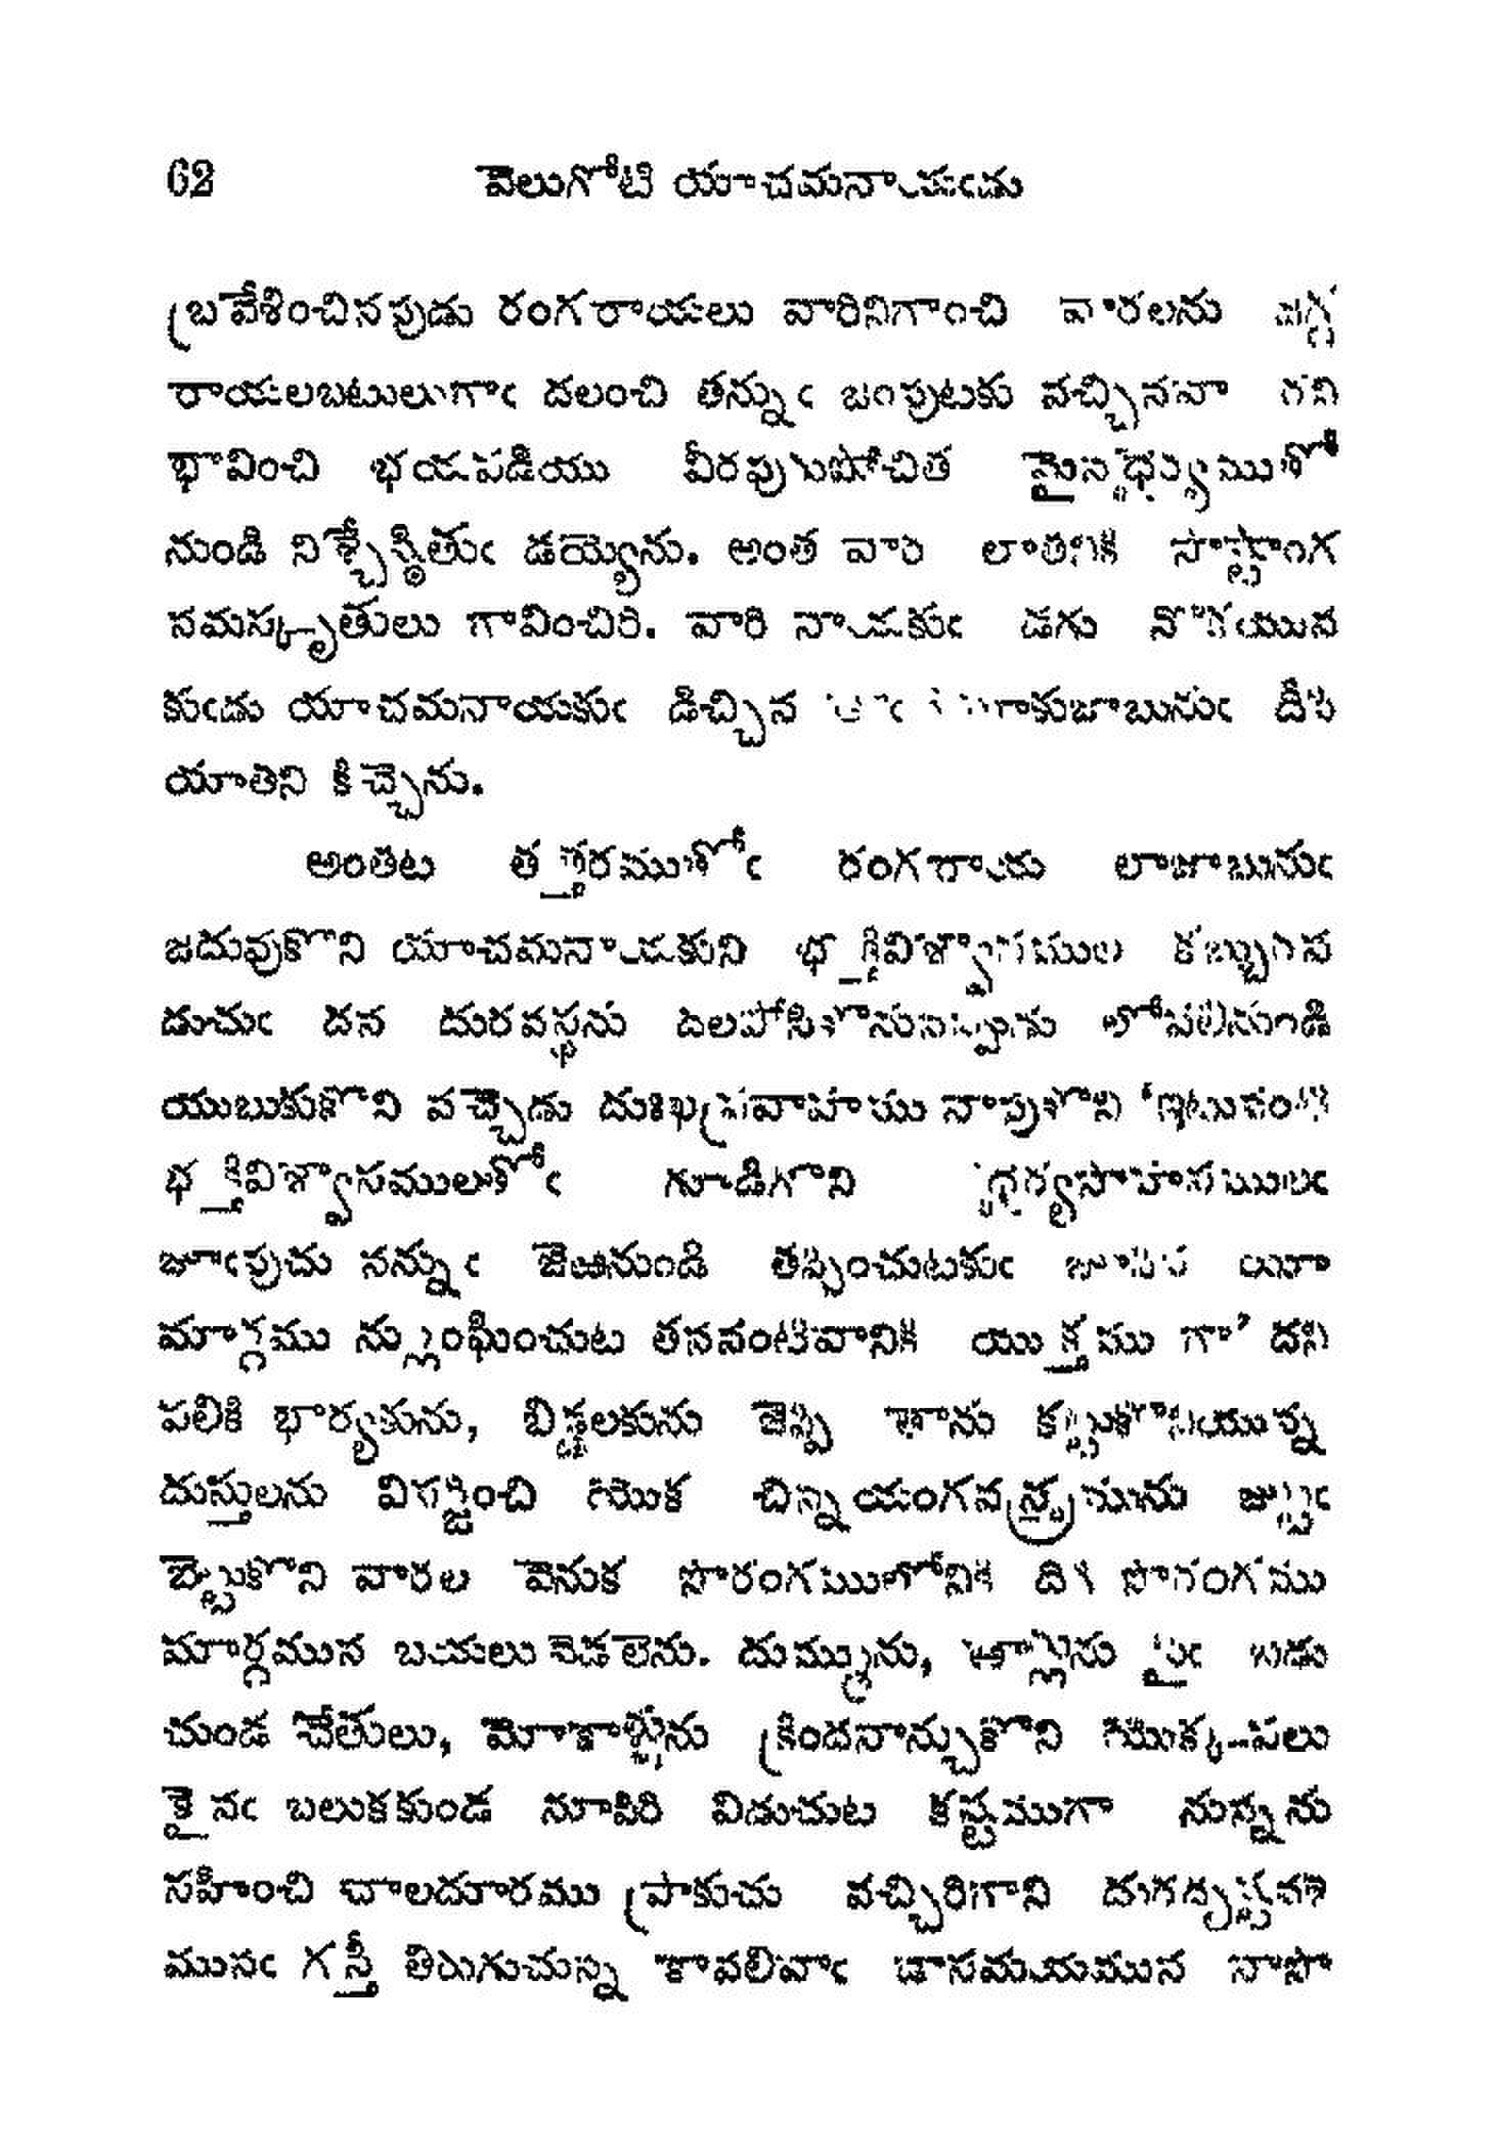బ్రవేశించినపుడు రంగరాయలు వారినిగాంచి వారలను జగ్గరాయలబటులుగాఁ దలంచి తన్నుఁ జంపుటకు వచ్చినవా రని భావించి భయపడియు వీరపురుషోచిత మైనధైర్యముతో నుండి నిశ్చేష్ఠితుఁ డయ్యెను. అంత వార లాతనికి సాష్టాంగ నమస్కృతులు గావించిరి. వారి నాయకుఁ డగు నొకయువకుఁడు యాచమనాయకుఁ డిచ్చిన ------కుజాబునుఁ దీసి యాతని కిచ్చెను.

అంతట తత్తరముతోఁ రంగరాయ లాజాబునుఁ జదువుకొని యాచమనాయకుని భక్తివిశ్వాసముల కబ్బురపడుచుఁ దన దురవస్థను దలపోసికొనునప్పుడు లోపలినుండి యుబుకుకొని వచ్చెడు దుఃఖప్రవాహము నాపుకొని 'ఇటువంటి భక్తివిశ్వాసములతోఁ గూడికొని ధైర్యసాహసములఁ జూఁపుచు నన్నుఁ జెఱనుండి తప్పించుటకుఁ జూపిన యీ మార్గము నుల్లంఘించుట తనవంటివానికి యుక్తము గా' దని పలికి భార్యకును, బిడ్డలకును జెప్పి తాను కట్టుకొనియున్న దుస్తులను విసర్జించి యొక చిన్న యంగవస్త్రమును జుట్టఁ బెట్టుకొని వారల వెనుక సొరంగములోనికి దిగి సొరంగము మార్గమున బయలు వెడలెను. దుమ్మును, ఱాళ్లును పైఁ బడుచుండ చేతులు, మోకాళ్లును క్రిందనాన్చుకొని యొక్కపలుకైన బలుకకుండ నూపిరి విడుచుట కష్టముగా నున్నను సహించి చాలదూరము ప్రాకుచు వచ్చిరిగాని దురదృష్టవశమునఁ గస్తీ తిరుగుచున్న కావలివాఁ డాసమయమున నాసొ